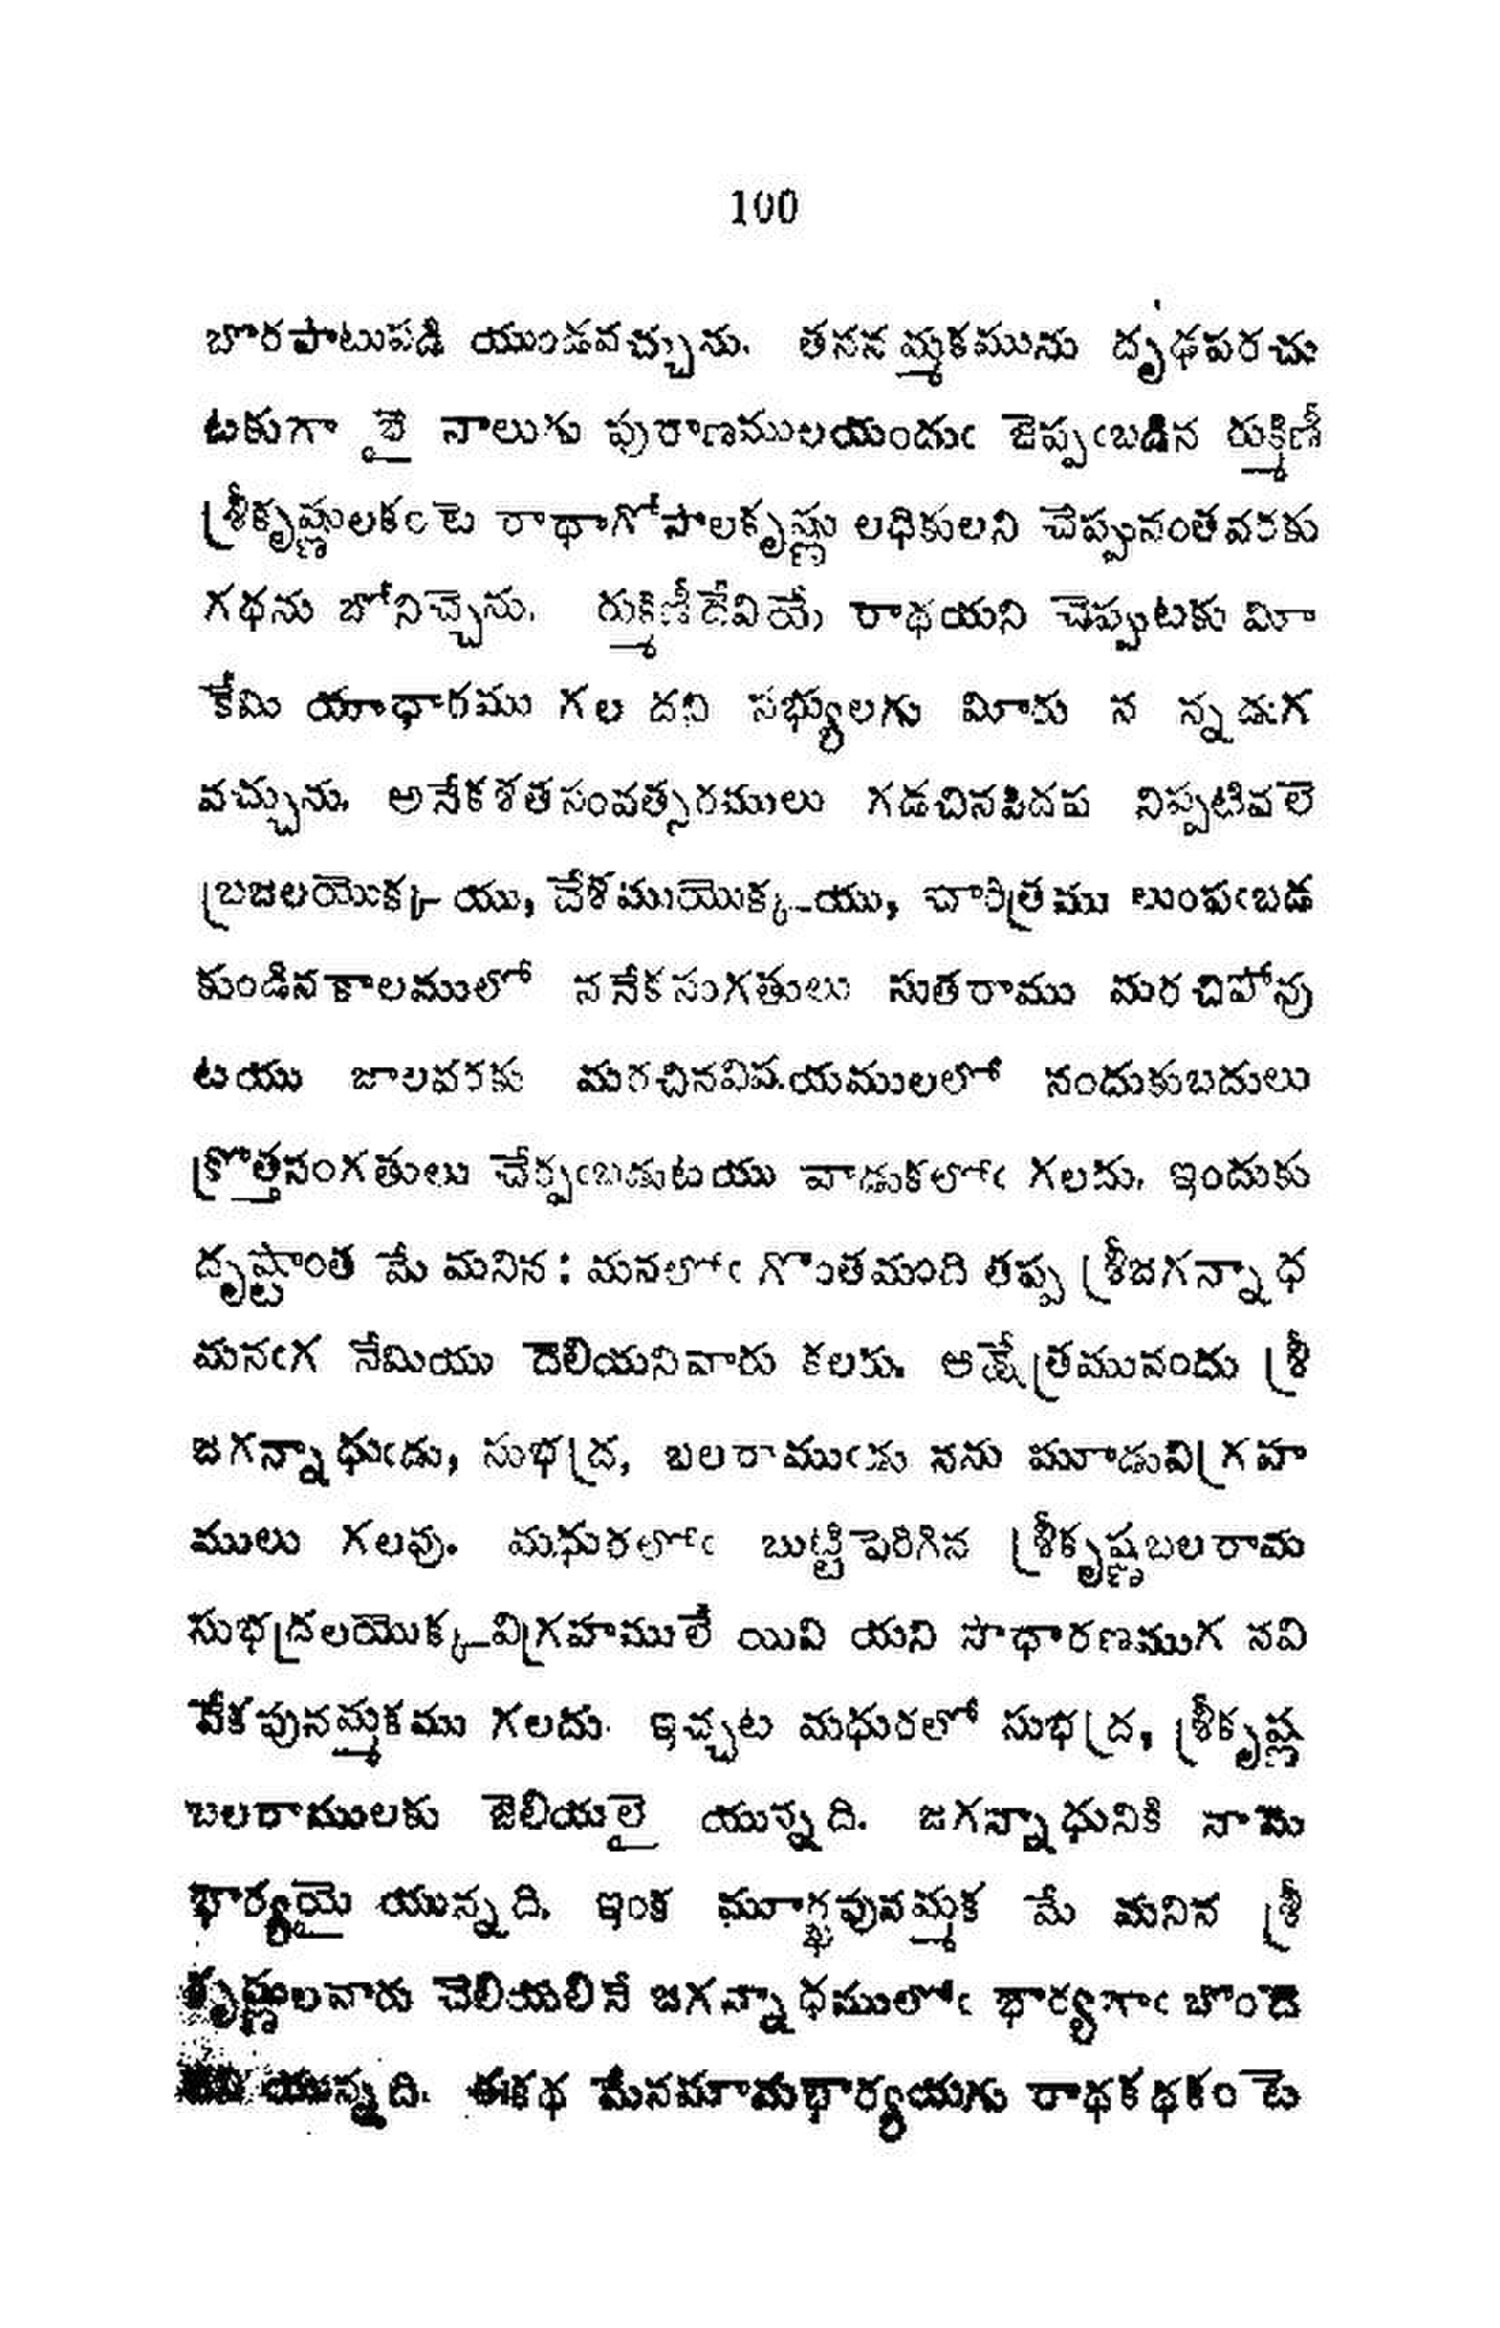బొరపాటుపడి యుండవచ్చును. తననమ్మకమును దృఢపరచుటకుగా బై నాలుగు పురాణముల యందుఁ జెప్పఁబడిన రుక్మిణీ శ్రీకృష్ణులకంటె రాధాగోపాలకృష్ణు లధికులని చెప్పునంతవరకు గథను బోనిచ్చెను. రుక్మిణీదేవియే రాథయని చెప్పుటకు మీ కేమి యాధారము గల దని సభ్యులగు మీరు న న్నడుగ వచ్చును. అనేకశతసంవత్సరములు గడచినపిదప నిప్పటివలె బ్రజలయొక్క యు, దేశముయొక్కయు, చారిత్రము లుంపఁబడకుండినకాలములో ననేకసంగతులు సుతరాము మరచిపోవుటయు జాలవరకు మరచినవిషయములలో నందుకుబదులు క్రొత్తసంగతులు చేర్పఁబడుటయు వాడుకలోఁ గలదు. ఇందుకు దృష్టాంత మే మనిన : మనలోఁ గొంతమంది తప్ప శ్రీజగన్నాధమనఁగ నేమియు దెలియనివారు కలరు. ఆక్షేత్రమునందు శ్రీజగన్నాధుఁడు, సుభద్ర, బలరాముఁడు నను మూడు విగ్రహములు గలవు. మధురలోఁ బుట్టిపెరిగిన శ్రీకృష్ణబలరామ
సుభద్రలయొక్క విగ్రహములే యివి యని సాధారణముగ నవివేకవునమ్ముకము గలదు. ఇచ్చట మధురలో సుభద్ర, శ్రీకృష్ణ బలరాములకు జెలియలై యున్నది. జగన్నాధునికి నామె భార్యయై యున్నది. ఇంక మూర్ఖపునమ్మక మే మనిన శ్రీకృష్ణులవారు చెలియలినే జగన్నాధములోఁ భార్యగాఁ బొందెనని యున్నది. ఈకథ మేనమామభార్యయగు రాథకథకంటె